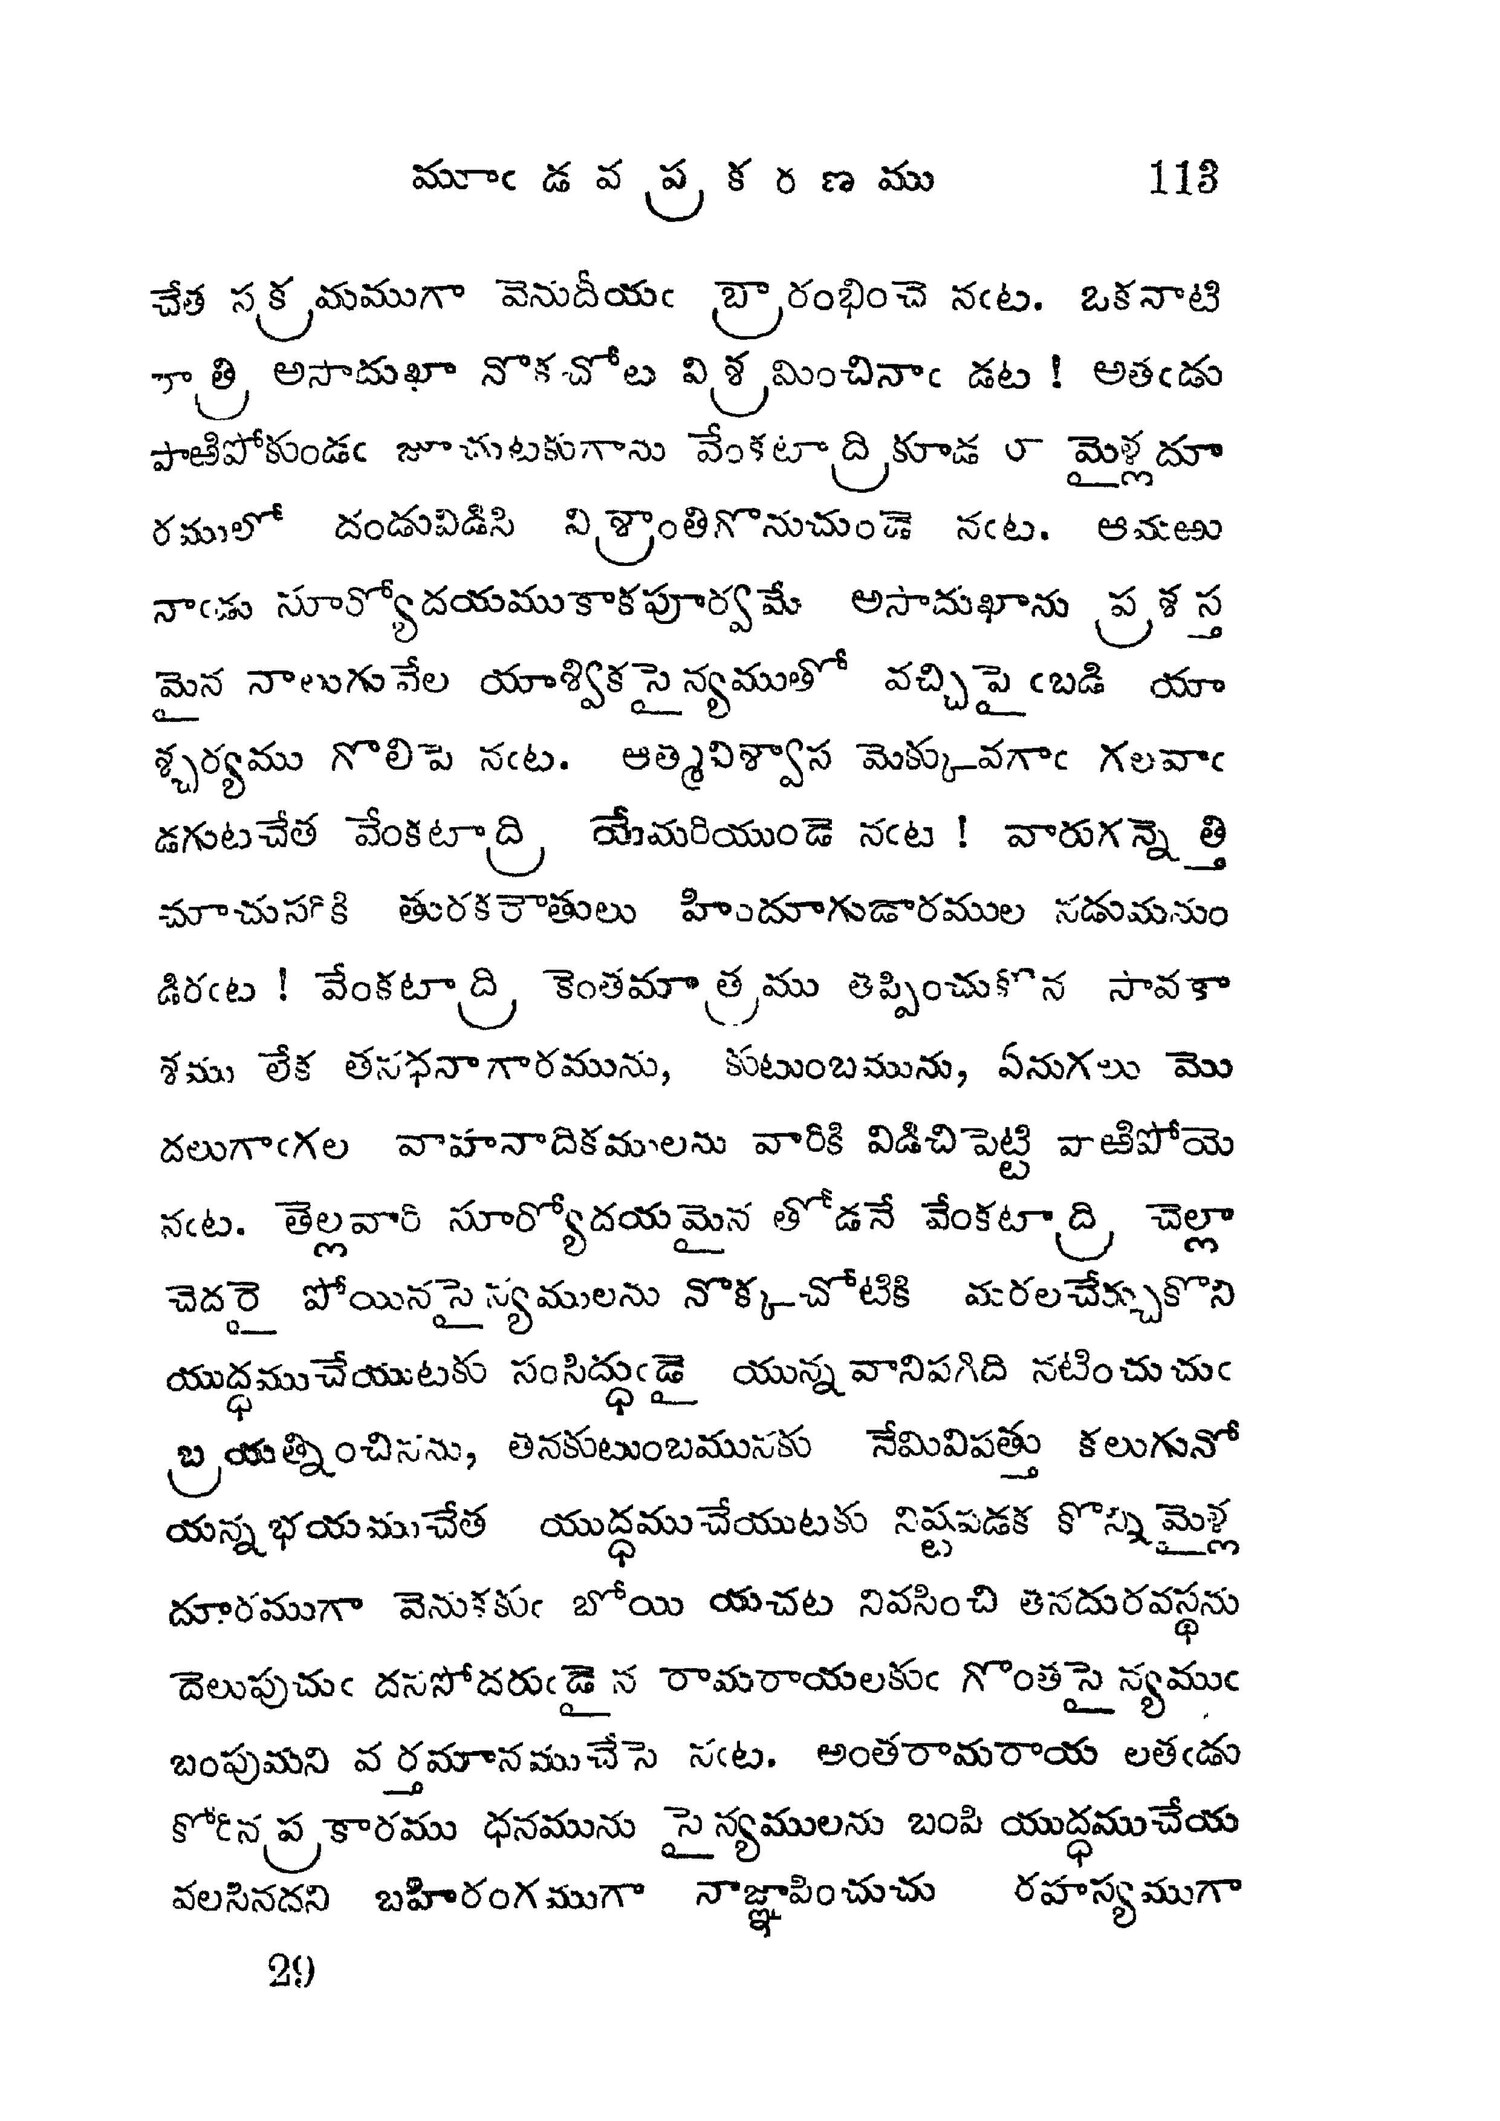చేత సక్రమముగా వెనుదీయ బ్రారంభించె నట. ఒకనాటి రాత్రి అసాదుఖా నొకచోట విశ్రమించినా డట! అతడు పాఱిపోకుండ జూచుటకుగాను వేంకటాద్రికూడ 8 మైళ్లదూరములో దండువిడిసి విశ్రాంతిగొనుచుండె నట. ఆమఱునాడు సూర్యోదయముకాకపూర్వమే అసాదుఖాను ప్రశస్తమైన నాలుగువేల యాశ్వికసైన్యముతో వచ్చిపైబడి యాశ్చర్యము గొలిపె నట. ఆత్మవిశ్వాస మెక్కువగా గలవాడగుటచేత వేంకటాద్రి యేమరియుండె నట! వారుగన్నెత్తి చూచుసరికి తురకరౌతులు హిందూగుడారముల నడుమనుండిరట! వేంకటాద్రి కెంతమాత్రము తప్పించుకొన సావకాశము లేక తనధనాగారమును, కుటుంబమును, ఏనుగులు మొదలుగా గల వాహనాదికములను వారికి విడిచిపెట్టి పాఱిపోయెనట. తెల్లవారి సూర్యోదయమైన తోడనే వేంకటాద్రి చెల్లాచెదరై పోయినసైన్యములను నొక్కచోటికి మరలచేర్చుకొని యుద్ధముచేయుటకు సంసిద్ధుడై యున్నవానిపగిది నటించుచు బ్రయత్నించినను, తనకుటుంబమునకు నేమివిపత్తు కలుగునో యన్నభయముచేత యుద్ధముచేయుటకు నిష్టపడక కొన్నిమైళ్ల దూరముగా వెనుకకు బోయి యచట నివసించి తనదురవస్థను దెలుపుచు దనసోదరుడైన రామరాయలకు గొంతసైన్యము బంపుమని వర్తమానముచేసె నట. అంతరామరాయ లతడు కోరినప్రకారము ధనమును సైన్యములను బంపి యుద్ధముచేయవలసినదని బహిరంగముగా నాజ్ఞాపించుచు రహస్యముగా